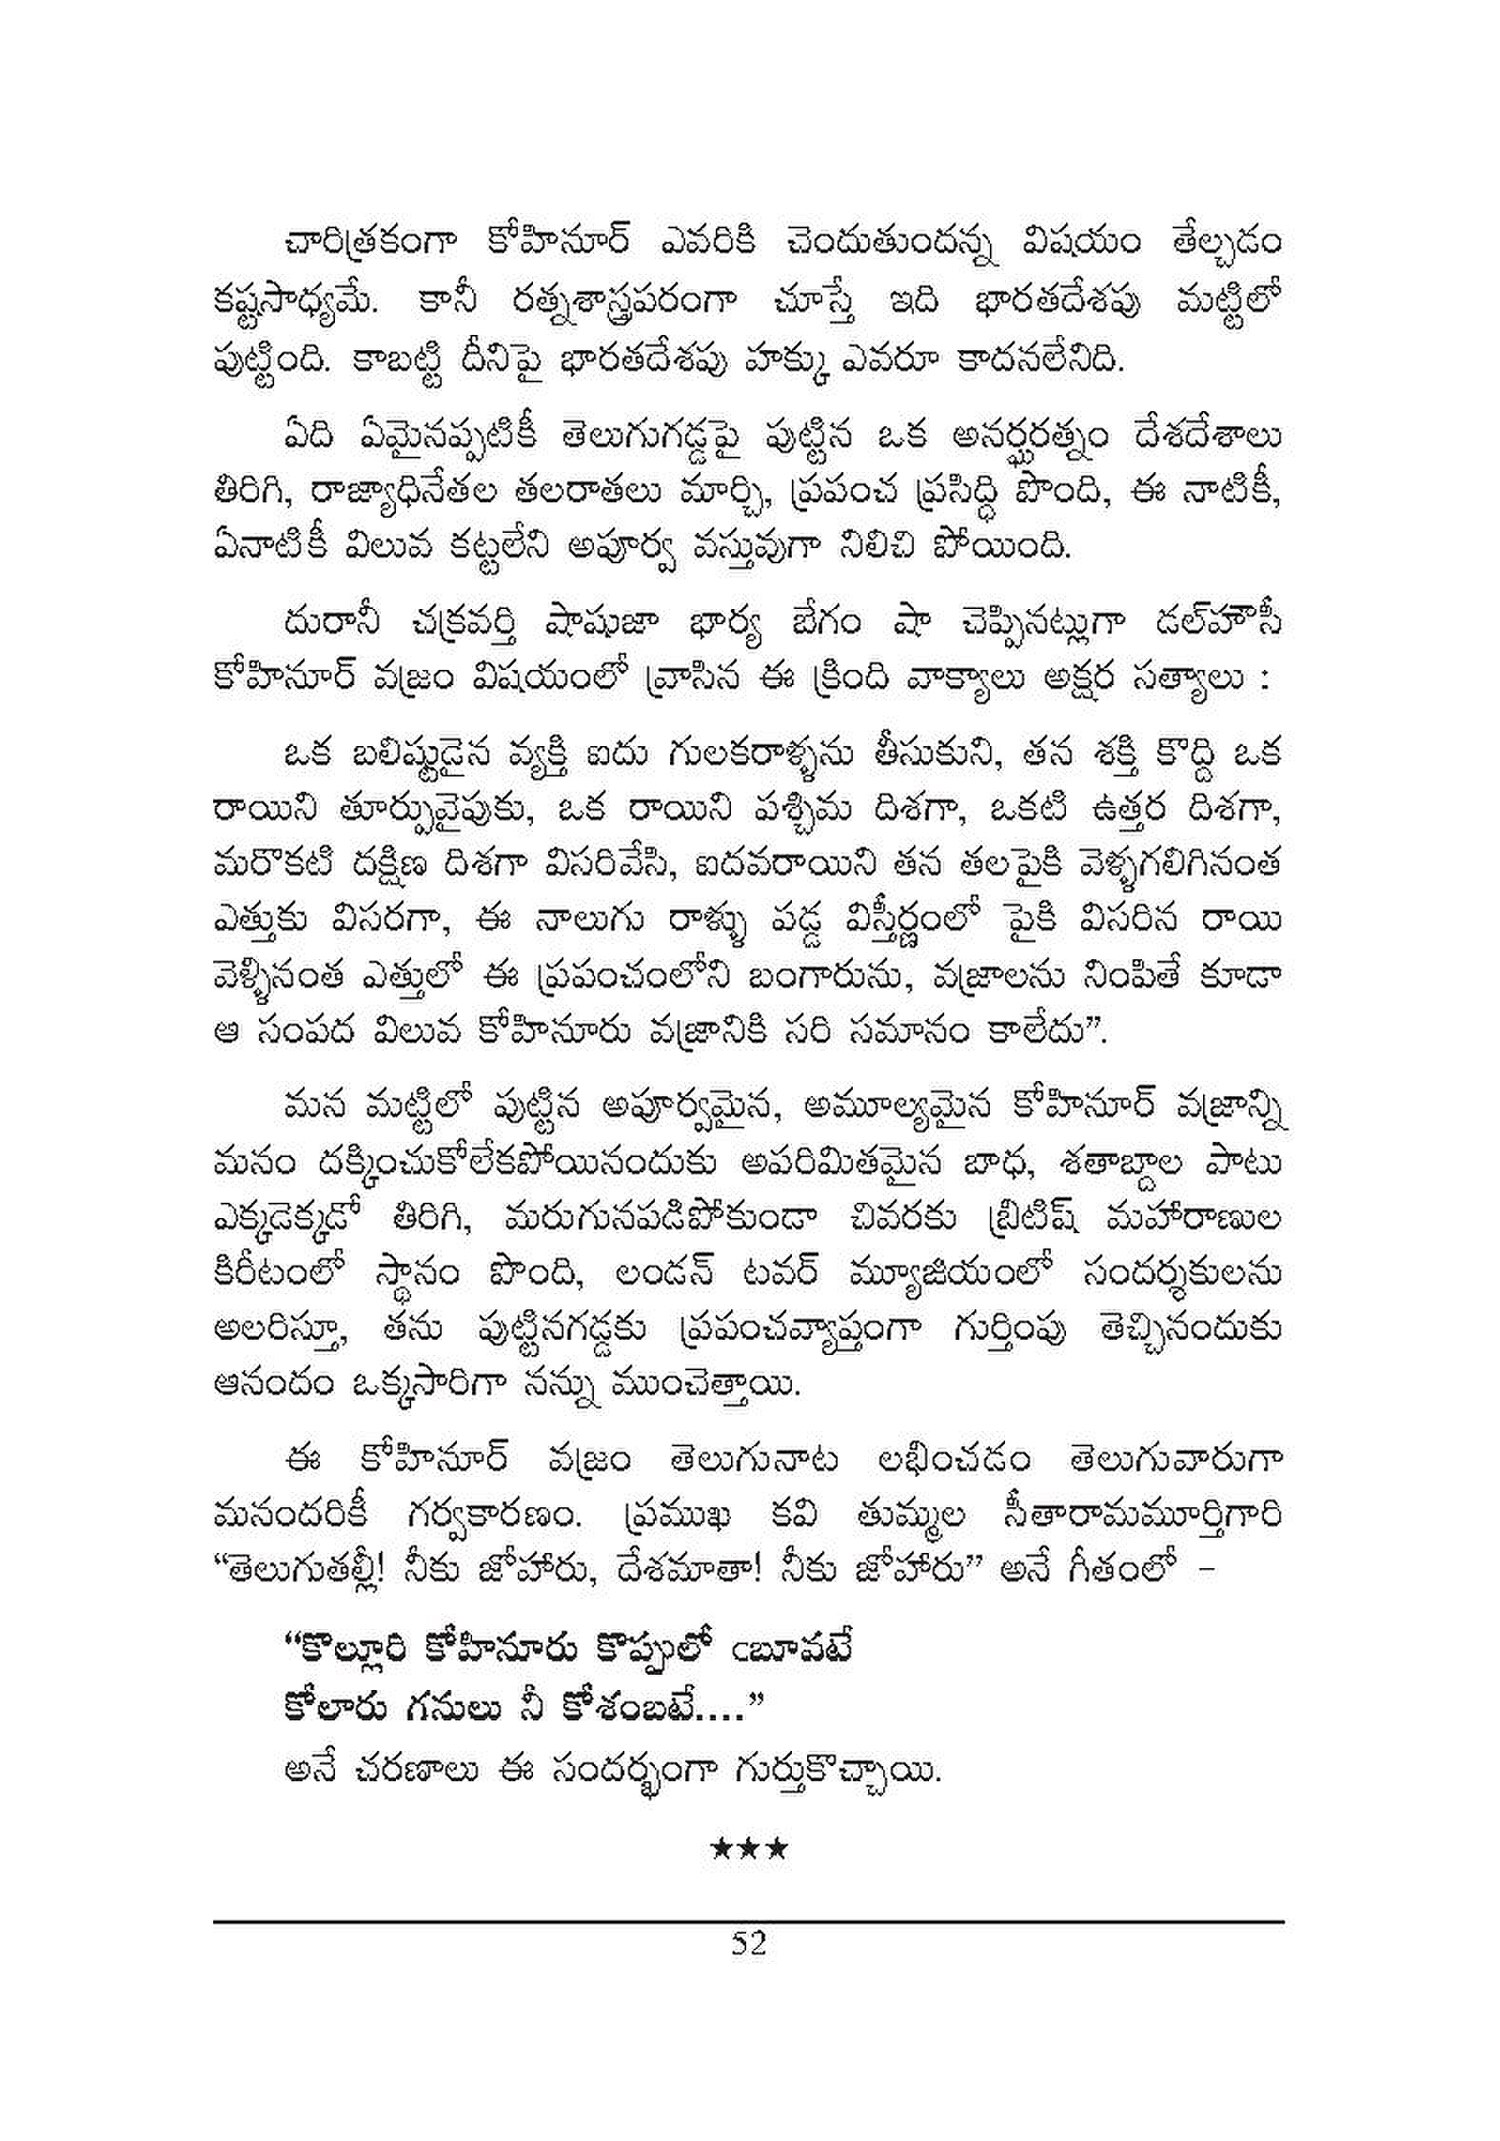చారిత్రకంగా కోహినూర్ ఎవరికి చెందుతుందన్న విషయం తేల్చడం కష్టసాధ్యమే. కానీ రత్నశాస్త్రపరంగా చూస్తే ఇది భారతదేశపు మట్టిలో పుట్టింది. కాబట్టి దీనిపై భారతదేశపు హక్కు ఎవరూ కాదనలేనిది.

ఏది ఏమైనప్పటికీ తెలుగుగడ్డపై పుట్టిన ఒక అనర్ఘరత్నం దేశదేశాలు తిరిగి, రాజ్యాధినేతల తలరాతలు మార్చి ప్రపంచ ప్రసిద్ధి పొంది, ఈ నాటికీ, ఏనాటికీ విలువ కట్టలేని అపూర్వ వస్తువుగా నిలిచి పోయింది.

దురానీ చక్రవర్తి షాషుజా భార్య బేగం షా చెప్పినట్లుగా డల్హౌసీ కోహినూర్ వజ్రం విషయంలో వ్రాసిన ఈ క్రింది వాక్యాలు అక్షర సత్యాలు :

ఒక బలిష్టుడైన వ్యక్తి ఐదు గులకరాళ్ళను తీసుకుని, తన శక్తి కొద్ది ఒక రాయిని తూర్పువైపుకు, ఒక రాయినీ పశ్చిమ దిశగా, ఒకటి ఉత్తర దిశగా, మరొకటి దక్షిణ దిశగా విసరిచేసి, ఐదవరాయిని తన తలపైకి వెళ్ళగలిగినంత ఎత్తుకు విసరగా, ఈ నాలుగు రాళ్ళు పడ్డ విస్తీర్ణంలో పైకి విసరిన రాయి వెళ్ళినంత ఎత్తులో ఈ ప్రపంచంలోని బంగారును, వజ్రాలను నింపితే కూడా ఆ సంపద విలువ కోహినూరు వజ్రానికి సరి సమానం కాలేదు".

మన మట్టిలో పుట్టిన అపూర్వమైన, అమూల్యమైన కోహినూర్ వజ్రాన్ని మనం దక్కించుకోలేకపోయినందుకు అపరిమితమైన బాధ, శతాబ్దాల పాటు ఎక్కడెక్కడో తిరిగి, మరుగునపడిపోకుండా చివరకు బ్రిటిష్ మహారాణుల కిరీటంలోస్థానం పొంది, లండన్ టవర్ మ్యూజియంలో సందర్శకులను అలరిస్తూ, తను పుట్టినగడ్డకు ప్రపంచవ్యాప్తంగా గుర్తింపు తెచ్చినందుకు ఆనందం ఒక్కసారిగా నన్ను ముంచెత్తాయి.

ఈ కోహినూర్ వజ్రం తెలుగునాట లభించడం తెలుగువారుగా మనందరికీ గర్వకారణం. ప్రముఖ కవి తుమ్మల సీతారామమూర్తిగారి "తెలుగుతల్లీ! నీకు జోహారు, దేశమాతా! నీకు జోహారు" అనే గీతంలో -

"కొల్లూరి కోహినూరు కొప్పలో బూవటే
 కోలారు గనులు నీ కోశంబటే....." 

అనే చరణాలు ఈ సందర్భంగా గుర్తుకొచ్చాయి.